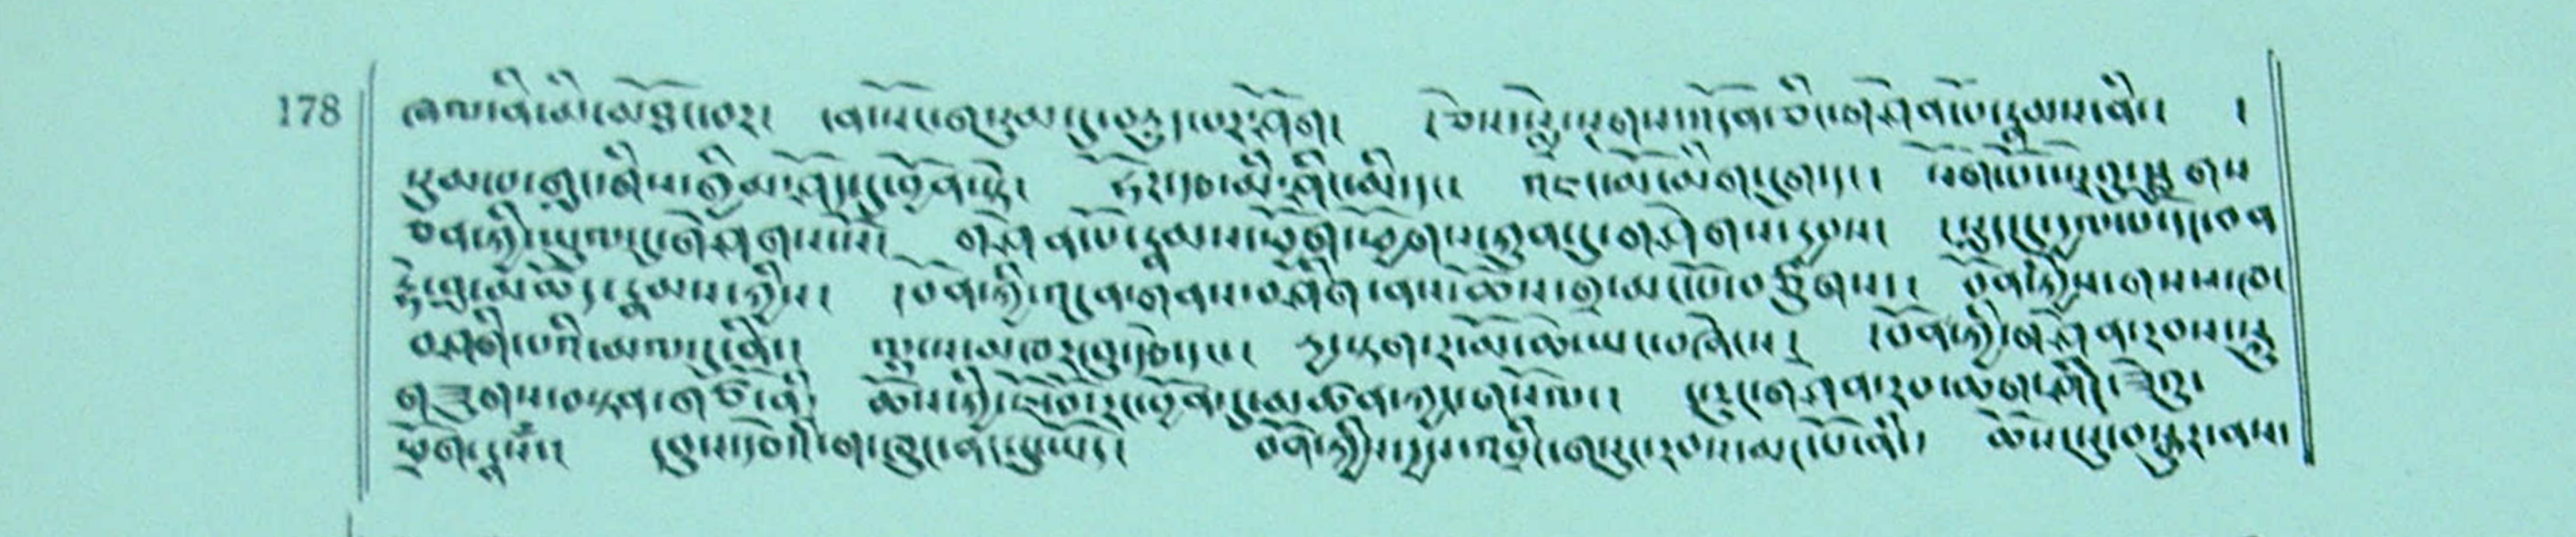ཞལ་ཡང་མི་མཐོང་བར། ངན་སོང་གསུམ་དུ་བརྒྱུད་པར་ཤོག ཅེས་སྨྲེ་སྔགས་འདོན་ཅིང་གཤེན་པོ་རྣམས་ནི། 
སུམ་པ་གླང་གི་གྱིམ་ཤོད་དུ་བྱོན་ཏེ། ཧོར་རྩ་མི་ཤིང་མི་དང་། འཇང་མོ་མིག་དུག་དང་། སོག་པོ་སྤྲེའུ་སླགས་
ཅན་གྱི་ཡུལ་དུ་གཤེགས་སོ། །གཤེན་བོན་རྣམས་ཕྱོག་ཕྱོགས་ཀུན་ཏུ་གཤེགས་དྱབས། ་སླད་དུ་རྒྱལ་བོ་དང་བན་
དྷེ་བླ་མཆོད་རྣམས་ཀྱིས། བོན་གྱི་འདུན་གནས་བཤིག་ནས་ཆོས་གྲྭ་མང་པོ་བཙུགས། བོན་གྱི་གསས་ཁང་
བཤིགས་པའི་མལ་དུ་ནི། ལྷ་ས་མཁར་བུ་རྩེ་དང་། རྒྱ་སྟག་ར་མོ་ཆེ་ཡང་བཞེངས། བོན་གྱི་གཤེན་རབ་སྐུ་
གཟུགས་བསྟན་གཙོ་ནི། ཆོས་ཀྱི་ཇོ་བོ་རང་བྱོན་དུ་མཚན་ཀྱང་གསོལ། ད་རུང་གཤེན་རབ་ཀྱི་ཆག་ཤིང་ཟེའུ་
པྲོག་རྣམས། དབུས་རྩེའི་ག་ཁུང་ནང་དུ་ཡོད། བོན་གྱི་རྒྱས་འབྲིང་གསུང་རབ་མང་པོ་ནི། ཆོས་སུ་བསྒྱུར་ནས་